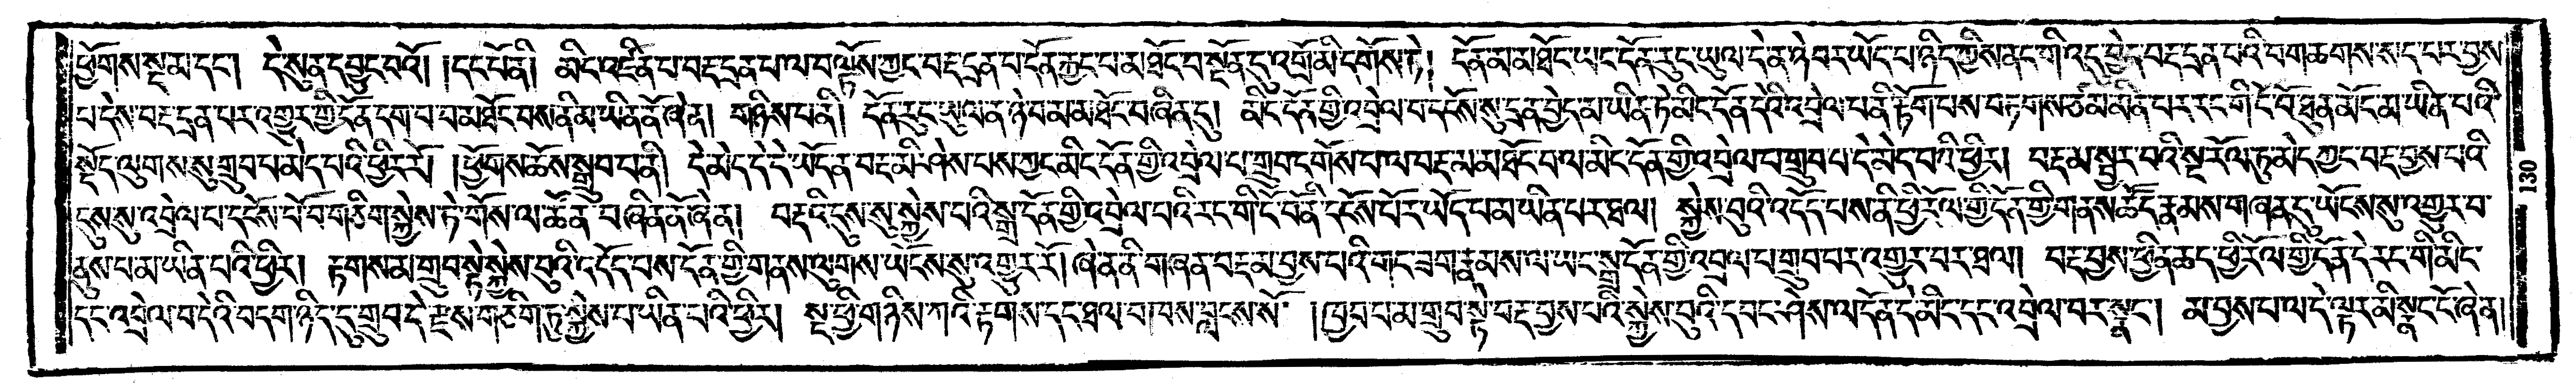ཕྱོགས་སྔ་མ་དང་། དེ་སུན་དབྱུང་བའོ། །དང་པོ་ནི། མིང་འཛིན་པ་བརྡ་དྲན་པ་ལ་བལྟོས་ཀྱང་བརྡ་དྲན་པ་དོན་རྐྱང་པ་མཐོང་བ་སྔོན་དུ་འགྲོ་མི་དགོས་ཏེ། དོན་མ་མཐོང་ཡང་དོན་རུང་ཡུལ་དེ་ན་ཉེ་བར་ཡོད་པ་ཉིད་ཀྱིས་ནང་གི་འདུ་བྱེད་བརྡ་དྲན་པའི་བག་ཆགས་སད་པར་བྱས་
པ་དེས་བརྡ་དྲན་པར་འགྱུར་གྱི་དོན་དག་པ་བ་མཐོང་བས་ནི་མ་ཡིན་ནོ་ཞེ་ན། གཉིས་པ་ནི། དོན་རུང་ཡུལ་ན་ཉེ་བ་མ་མཐོང་བཞིན་དུ། མིང་དོན་གྱི་འབྲེལ་བ་དངོས་སུ་དྲན་བྱེད་མ་ཡིན་ཏེ་མིང་དོན་དེའི་འབྲེལ་བ་ནི་རྟོག་པས་བཏགས་ཙམ་མིན་པར་རང་གི་ངོ་བོ་ཐུན་མོང་མ་ཡིན་པའི་
སྡོད་ལུགས་སུ་གྲུབ་པ་མེད་པའི་ཕྱིར་རོ། །ཕྱོགས་ཆོས་སྒྲུབ་པ་ནི། དེ་མེད་དེ་དེ་ཡོད་ན་བརྡ་མི་ཤེས་པས་ཀྱང་མིང་དོན་གྱི་འབྲེལ་པ་གྲུབ་དགོས་པ་ལ་བརྡ་མ་མཐོང་བ་ལ་མིང་དོན་གྱི་འབྲེལ་བ་གྲུབ་པ་དེ་མེད་པའི་ཕྱིར། བརྡ་མ་སྦྱར་བའི་སྔ་རོལ་ཏུ་མེད་ཀྱང་བརྡ་བྱས་པའི་
དུས་སུ་འབྲེལ་པ་དངོས་པོ་བ་གཅིག་སྐྱེས་ཏེ་གོས་ལ་ཚོན་བཞིན་ནོ་ཞེ་ན། བརྡའི་དུས་སུ་སྐྱེས་པའི་སྒྲ་དོན་གྱི་འབྲེལ་བའི་རང་གི་ངོ་བོ་ནི་དངོས་པོར་ཡོད་པ་མ་ཡིན་པར་ཐལ། སྐྱེས་བུའི་འདོད་པས་ནི་ཕྱི་རོལ་གྱི་དོན་གྱི་གནས་ཚོད་རྣམས་གཞན་དུ་ཡོངས་སུ་འགྱུར་བ་
ནུས་པ་མ་ཡིན་པའི་ཕྱིར། རྟགས་མ་གྲུབ་སྟེ་སྐྱེས་བུའི་འདོད་པས་དོན་གྱི་གནས་ལུགས་ཡོངས་སུ་འགྱུར་རོ། ཞེ་ན་ནི་གཞན་བརྡ་མ་བྱས་པའི་གང་ཟག་རྣམས་ལ་ཡང་སྒྲ་དོན་གྱི་འབྲལ་པ་གྲུབ་པར་འགྱུར་པར་ཐལ། བརྡ་བྱས་ཕྱིན་ཆད་ཕྱི་རོལ་གྱི་དོན་དེ་རང་གི་མིང་
དང་འབྲེལ་བ་དེའི་བདག་ཉིད་དུ་གྲུབ་དེ་རྫས་གཅིག་ཏུ་སྐྱེས་པ་ཡིན་པའི་ཕྱིར། སྔ་ཕྱི་གཉིས་ཀའི་རྟགས་དང་ཐལ་བ་ཁས་བླངས་སོ། །ཁྱབ་པ་མ་གྲུབ་སྟེ་བརྡ་བྱས་པའི་སྐྱེས་བུའི་དབང་ཤེས་ལ་དོན་དེ་མིང་དང་འབྲེལ་བར་སྣང་། མ་བྱས་པ་ལ་དེ་ལྟར་མི་སྣང་ངོ་ཞེ་ན།